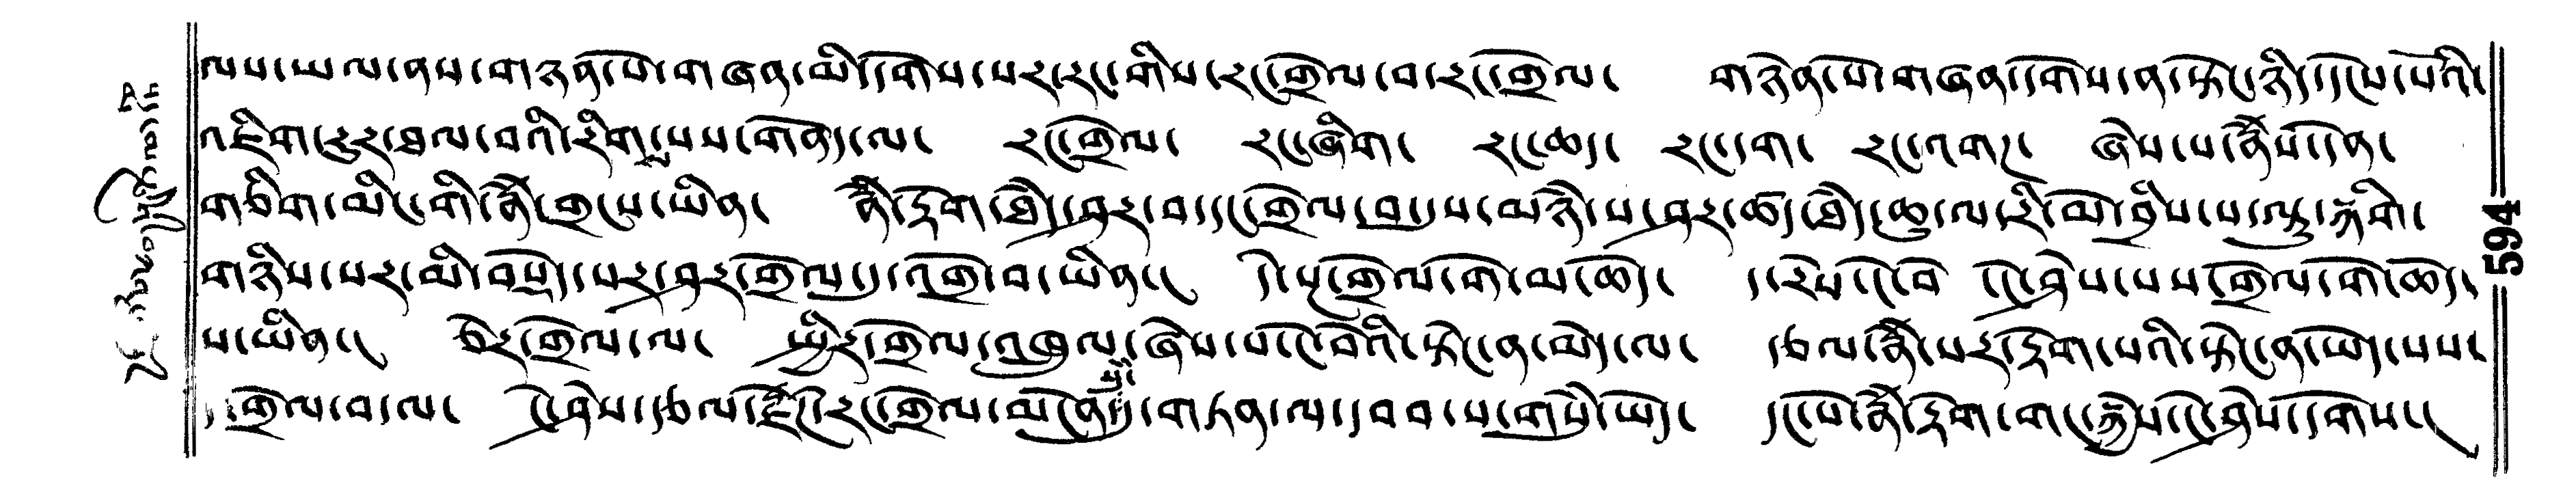ལས་ཡལ་ནས་གཉན་པོ་གཞན་མི་དགོས་པར་རང་གི་རང་གྲོལ་བ་རང་གྲོལ། གཉེན་པོ་གཞན་དགོས་ན་སྟོང་ཉིད་དངོས་པོའི་
འཇིག་རྒྱུར་ཐལ་བའི་རིགས་པས་གནོད་ལ། རང་གྲོལ། རང་ཞིག རང་ཆད། རང་དག རང་འགགས། ཞེས་པ་རྣམས་དོན་
གཅིག་མིང་གི་རྣམ་གྲངས་ཡིན། རྣམ་རྟོག་ཐམས་ཅད་ཤར་བ་དང་གྲོལ་བ་དུས་མཉམ་པ། ཤར་ཚད་ཐམས་ཅད་ཆུ་ལ་རི་མོ་བྲིས་པ་ལྟ་བུ་སྐད་ཅིག་
གཉིས་པར་མི་བསྡོད་པར་ཤར་གྲོལ་དུ་འགྲོ་བ་ཡིན། དེ་སྔ་གྲོལ་གོ་མ་ཆོད། ད་རེས་ངོ་བོ་ངོ་ཤེས་པས་གྲོལ་གོ་ཆོད་
པ་ཡིན། ཅེར་གྲོལ་ལ། སྤྱིར་གྲོལ་འཁྲུལ་ཞེས་པ་ངོ་བོའི་སྟེང་ན་མེད་ལ། རྩལ་རྣམ་པར་རྟོག་པའི་སྟེང་ན་ཡོད་པས། 
དེ་གྲོལ་བ་ལ། ངོ་ཤེས། རྩལ་རྫོགས། རང་གྲོལ་མངོན་སུམ་དུ་གཏན་ལ་དབབ་པ་དང་གསུམ་ཡོད། དང་པོ་རྣམ་རྟོག་གང་སྐྱེས་ངོ་ཤེས་དགོས།